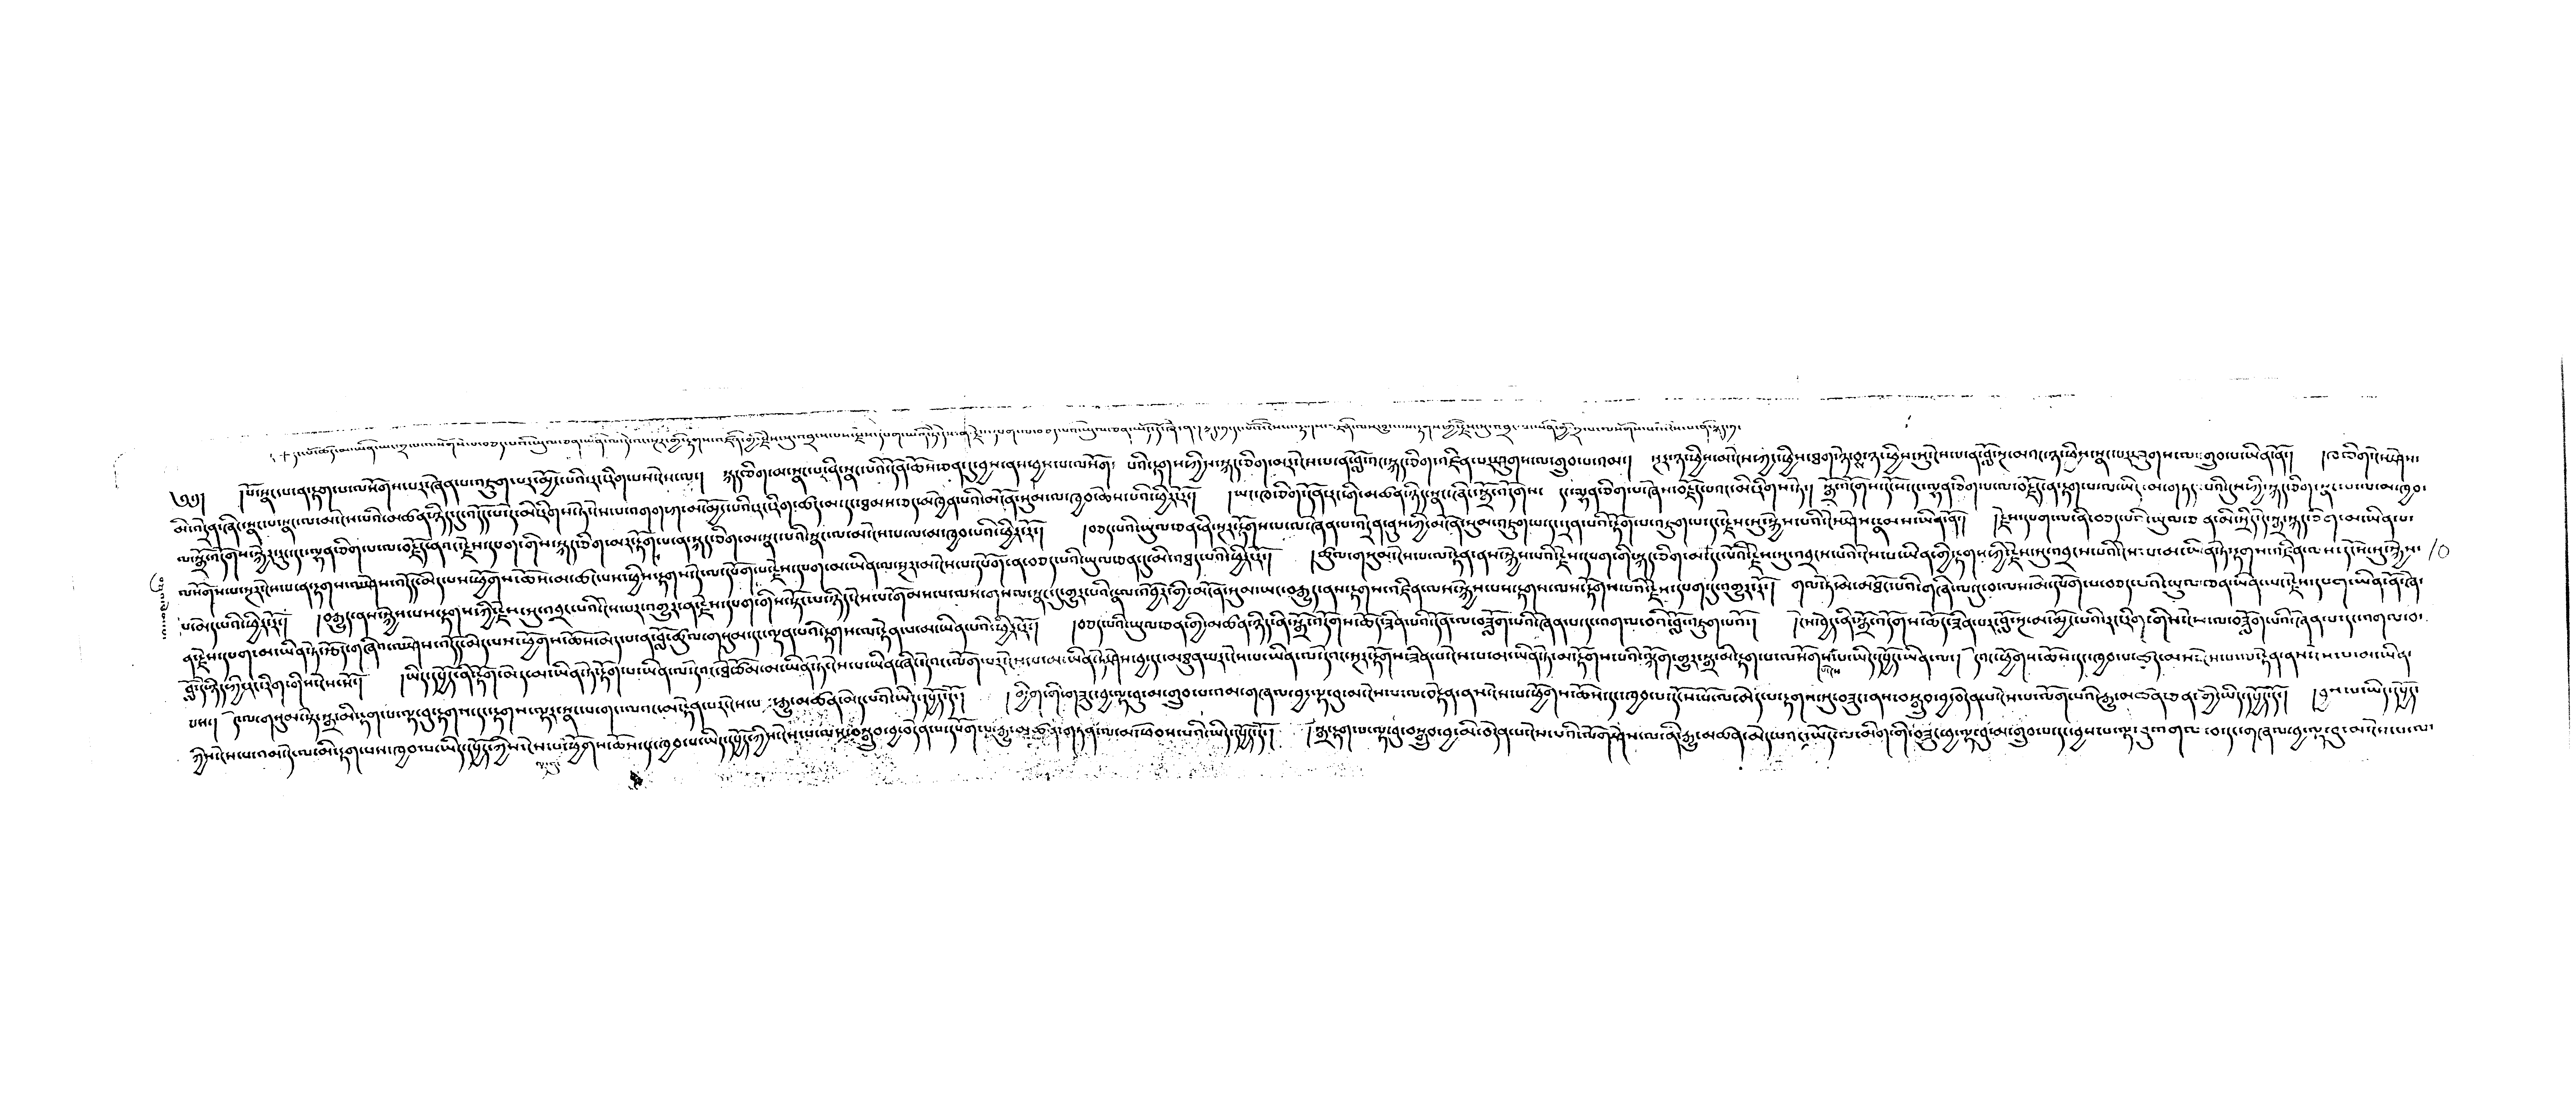༄༅། །པོ་སྣང་པ་ན་རྟག་པ་ལ་སོགས་པར་ཞེན་པ་འཇུག་པར་མྱོང་པའི་རང་རིག་པས་ངེས་ལ། སྐད་ཅིག་མ་སྣང་པར་ནི་སྣང་པའི་དོན་ཆོས་ཅན་དུ་བྱས་ནས་བྱས་པ་ལ་སོགས་པའི་རྟགས་ཀྱིས་སྐད་ཅིག་མར་ངེས་པ་ན་བློ་འང་སྐད་ཅིག་འཛིན་པར་ཤུགས་ལ་གྲུབ་པ་འམ། སྔར་ཉ་ཕྱིས་མ་ངེས་ཀྱང་ཕྱིས་ཐག་ཉེ་བས་ཉ་ཕྱིས་སུ་ངེས་པ་ན་བློ་ལྔ་མའང་ཉ་ཕྱིས་སྣང་པར་ཤུགས་ལ་གྲུབ་པ་ཡིན་ནོ། །ཁ་ཅིག་ངེས་ཤེས་
མི་འདྲེན་ཞིང་སྣང་པ་སྣང་ལ་མ་ངེས་པའི་མཚན་ཉིད་དུ་འདོད་པ་དེ་མི་རིགས་ཏེ་ངེས་པ་འགག་ཀ་མ་མྱོང་པའི་རང་རིག་ཚད་མ་དང་ཐམས་ཅད་མཁྱེན་པའི་མངོན་སུམ་ལ་ཁྱབ་ཆེས་པའི་ཕྱིར་རོ། །ཡང་ཁ་ཅིག་དོན་རང་གི་མཚན་ཉིད་སྣང་ཞིང་སྒྲོ་འདོགས་དང་ལྷན་ཅིག་པ་ཞེས་བརྗོད་པའང་མི་རིགས་ཏེ། སྒྲོ་འདོགས་དངོས་དང་ལྷན་ཅིག་པ་ལ་བརྗོད་ན་རྟག་པ་ལ་ཡིད་མ་གཏད་པའི་དུས་ཀྱི་སྐད་ཅིག་སྣང་པ་ལ་མ་ཁྱབ་
མ་སྒྲོ་འདོགས་སྐྱེར་རུང་དང་ལྷན་ཅིག་པ་ལ་བརྗོད་ནའང་རྗེས་དཔག་གིས་སྐད་ཅིག་མར་རྟོག་པ་ན་སྐད་ཅིག་མ་སྣང་པའི་སྣང་ལ་མ་ངེས་པ་ལ་མ་ཁྱབ་པའི་ཕྱིར་རོ། །བཅད་པའི་ཡུལ་ཅན་ནི་སྔར་རྟོགས་པ་ལ་ཞེན་པ་འདྲེན་ནུས་ཀྱི་མངོན་སུམ་འཇུག་པ་དང་དྲན་པའི་རྟོག་པ་འཇུག་པ་དང་རྗེས་སུ་སྐྱེས་པའི་ངེས་ཤེས་རྣམས་ཡིན་ནོ། །རྗེས་དཔག་ལ་ནི་བཅད་པའི་ཡུལ་ཅན་མི་སྲིད་དེ་སྒྲ་སྐད་ཅིག་མ་ཡིན་པ་
ལ་སོགས་པ་སྔར་ངེས་པ་ན་རྟགས་ལ་ཤེས་འདོད་མེད་པས་ཕྱོགས་ཆོས་མ་ཚང་པས་ཕྱིས་རྟགས་དེ་ལ་དཔོག་པ་རྗེས་དཔག་མ་ཡིན་ལ་སྔར་མ་ངེས་པ་དཔོག་ན་བཅད་པའི་ཡུལ་ཅན་དུ་མི་འཐད་པའི་ཕྱིར་རོ། །ཚུལ་གསུམ་ངེས་པ་ལ་རྟེན་ནས་སྐྱེས་པའི་རྗེས་དཔག་གི་སྐད་ཅིག་མ་དང་པོའི་རྗེས་སུ་འབྲངས་པའི་ངེས་པ་ཡིན་གྱི་རྟགས་ཀྱི་རྗེས་སུ་འབྲངས་པའི་ངེས་པ་མ་ཡིན་ཏེ་རྟགས་འཛིན་ལས་དངོས་སུ་སྐྱེས་
པ་མེད་པའི་ཕྱིར་རོ། །བརྒྱུད་ནས་སྐྱེས་པས་རྟགས་ཀྱི་རྗེས་སུ་འབྲང་པའི་ངེས་པར་འགྱུར་ན་རྗེས་དཔག་གིས་སྟོང་པ་ཉིད་ངེས་པ་གོམས་པ་ལས་གསལ་སྣང་དུ་གྱུར་པའི་རྣལ་འབྱོར་གྱི་མངོན་སུམ་ཡང་བརྒྱུད་ནས་རྟགས་འཛིན་ལས་སྐྱེས་པས་རྟགས་ལས་རྟོགས་པའི་རྗེས་དཔག་དུ་འགྱུར་རོ། གལ་ཏེ་མེ་མཐོང་པའི་གཞི་ལ་དུ་བ་ལས་མེ་དཔོག་པ་བཅད་པའི་ཡུལ་ཅན་ཡིན་ཡང་རྗེས་དཔག་ཡིན་ནོ་ཞེ་
ན་རྗེས་དཔག་མ་ཡིན་ཏེ་རྩོད་གཞིལ་ལ་ཤེས་འདོད་མེད་པས་ཕྱོགས་ཆོས་མེད་པ་ན་བློ་ཚུལ་གསུམ་དང་ལྡན་པའི་རྟགས་ལ་རྟེན་པ་མ་ཡིན་པའི་ཕྱིར་རོ། །བཅད་པའི་ཡུལ་ཅན་གྱི་མཚན་ཉིད་ནི་སྒྲོ་འདོགས་ཆོད་ཟིན་པའི་དོན་ལ་བཟློག་པའི་ཞེན་པ་དང་འགལ་བའི་བློ་འཇུག་པའོ། དངོས་བྱེད་ནི་སྒྲོ་འདོགས་ཆོད་ཟིན་པར་བློ་སྔ་མ་མྱོང་པའི་རང་རིག་གིས་ངེས་ལ་བཟློག་པའི་ཞེན་པ་དང་འགལ་བ་
བློ་དེ་ཉིད་ཀྱི་རང་རིག་གིས་ངེས་སོ། །ཡིད་དཔྱོད་ནི་རྟོག་མེད་མ་ཡིན་ཏེ་རྟོག་པ་ཡིན་ལ་དེའང་ཐེ་ཚོམ་མ་ཡིན་ཏེ་ངེས་པ་ཡིན་ཞིང་དེའང་ལོག་པར་ངེས་པ་མ་ཡིན་ཏེ་ཤེས་བྱ་དང་མཐུན་པར་ངེས་པ་ཡིན་ལ་དེའང་སྔར་རྟོགས་ཟིན་པ་ངེས་པ་མ་ཡིན་ཏེ་མ་རྟོགས་པའི་ལྐོག་གྱུར་སྒྲ་མི་རྟག་པ་ལ་སོགས་པ་ངེས་པ་ཡིད་དཔྱོད་ཡིན་ལ། དེའང་ཕྱོགས་ཆོས་དང་ཁྱབ་པ་ཚད་མས་ངེས་པ་ལ་རྟེན་ནས་ངེས་པ་མ་ཡིན་
པས། དེ་ལ་གསུམ་སྟེ་སྒྲ་མི་རྟག་པ་ལྟ་བུ་རྟགས་དང་རྟགས་ལྟར་སྣང་པ་གང་ལའང་མ་རྟེན་པར་ངེས་པ་རྒྱུ་མཚན་མེད་པའི་ཡིད་དཔྱོད་དོ། །མིག་གི་གཟུང་བྱ་ལྟ་བུ་མ་གྲུབ་པ་འམ་གཞལ་བྱ་ལྟ་བུ་མ་ངེས་པ་ལ་བརྟེན་ནས་ངེས་པ་ཕྱོགས་ཆོས་དང་ཁྱབ་པ་དངོས་པོ་ལ་མེད་པ་རྟགས་སུ་བཟུང་ནས་བསྒྲུབ་བྱ་བདེན་པ་ངེས་པ་ལོག་པའི་རྒྱུ་མཚན་ཅན་གྱི་ཡིད་དཔྱོད་དོ། །བྱས་པ་ཡིད་དཔྱོད་
ཀྱིས་ངེས་པ་འམ་དེ་ལ་མི་རྟག་པས་ཁྱབ་པ་ཡིད་དཔྱོད་ཀྱིས་ངེས་པ་ཕྱོགས་ཆོས་དང་ཁྱབ་པ་ཡིད་དཔྱོད་ཀྱིས་ངེས་པ་ལས་བསྒྲུབ་བྱ་བདེན་པ་དཔོག་པ་རྒྱུ་མཚན་གཏན་ལ་མ་ཕེབས་པའི་ཡིད་དཔྱོད་དོ། །སྒྲ་རྟག་པ་ལྟ་བུ་བསྒྲུབ་བྱ་མི་བདེན་པ་ངེས་པའི་ལོག་ཤེས་ལ་ནི་རྒྱུ་མཚན་མེད་པའང་ཡོད་ལ་མིག་གི་བཟུང་བྱ་ལྟ་བུ་མ་གྲུབ་པ་དང་བྱས་པ་ལྟ་བུ་འགལ་བ་དང་གཞལ་བྱ་ལྟ་བུ་མ་ངེས་པ་ལ་